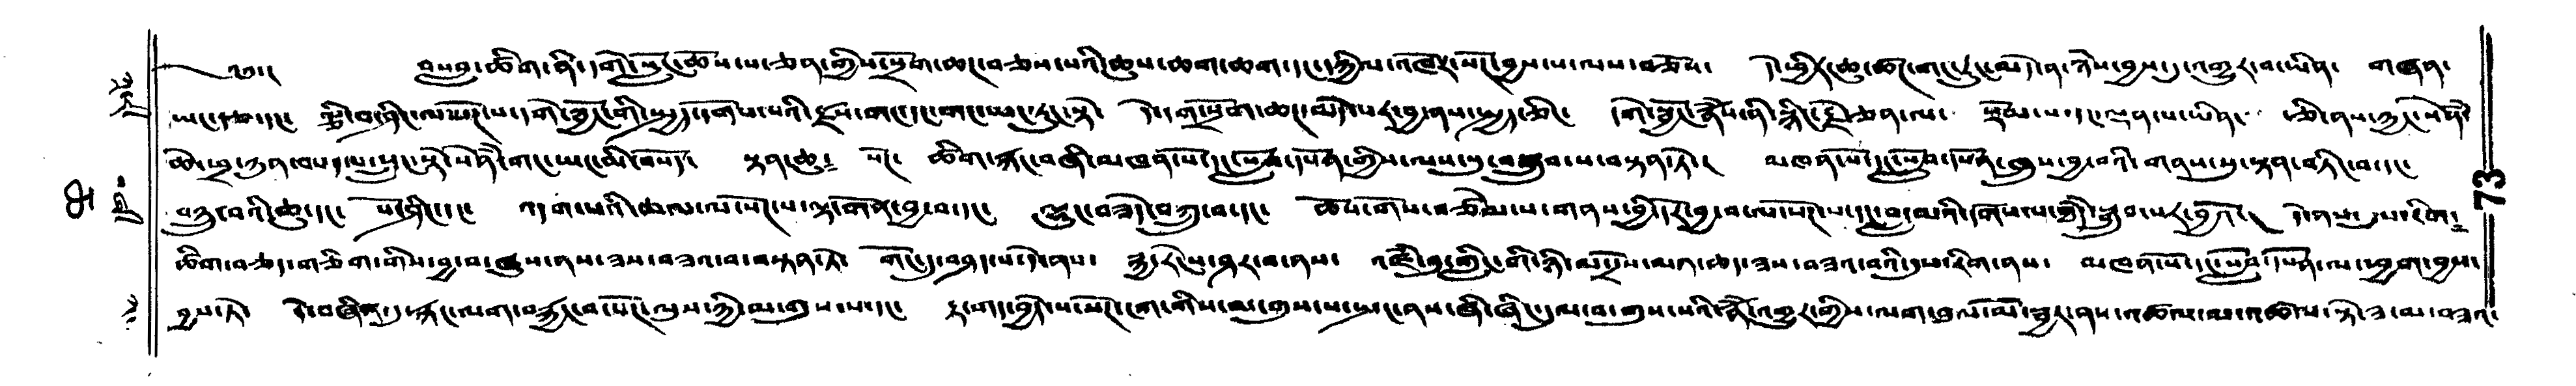བསླབ་ཚིག་ནི་དགེ་སློང་འཆོས་པ་ཅན་གྱིས་སྲོག་ཆགས་དང་བཅས་པའི་ཆུས་ཆག་ཆག་དང་དཀྱིལ་འཁོར་སོགས་བྱས་པ་ལས་བཅོས། དེ་ཕྱིར་ཆུ་ཚགས་གང་རུང་མེད་ན་ཉེས་བྱས་སུ་འགྱུར་བ་ཡིན། གཞན་
ཡང་རྩ་དང་། ལྕི་བ་ཤིང་ལ་སོགས་པ་དགེ་སྦྱོང་གི་སྤྱད་དགོས་པའི་རྫས་གང་དང་གང་ཡང་རུང་སྟེ། དེ་དག་སྲོག་ཆགས་མེད་པར་བྱས་ནས་སྤྱད་ཅིང་། དགེ་སྦྱོང་རྣམས་ནི་སྙིང་རྗེ་ཅན་ལ། སྡོམ་པ་དང་ལྡན་པ་ཡིན། ཅི་ནས་ཀྱང་སེམས་ཅན་
ཆེ་ཕྲ་ཀུན་གསད་པ་སྲུངས་སྟེ་སེམས་ཅན་གང་ཡང་མི་བསོད། སྟན་ཆུ༴སོགས་ཚིག་རྐང་བཞིས་མཁན་པོ་དང་སློབ་དཔོན་གྱིས་ལས་སུ་བསྒྲུབ་པ་བསྟན་ཏེ། མཁན་པོ་དང་སློབ་དཔོན་ཁྲུས་བྱ་བའི་གནས་སུ་སྟན་བཏིང་བ་དང་། 
བཀྲུ་བའི་ཆུ་དང་། སོ་ཤིང་དང་། འདག་པའི་ཆལ་ལ་སོགས་པ་སྟ་གོན་བྱ་བ་དང་། ལྷུང་བཟེད་བཀྲུ་བ་དང་། ཆོས་གོས་འཚེམ་པ། གནས་བྱི་དོར་བྱ་བ་ལ་སོགས་པ་དང་བླ་མའི་དགོས་པ་ཐམས་ཅད་སྒྲུབ་པར་བྱའོ། དེ་ནས་དུས་རིག༴ 
ཚིགས་བཅད་གཅིག་གིས་བྱ་བ་ཞུས་ནས་ཟས་བཟའ་བ་བསྟན་ཏེ།གོང་དུ་བཤད་པ་དེ་ནས། སྐྱ་རེངས་ཤར་བ་ནས་འཛམ་བུ་གླིང་གི་ཉི་མ་དྲོས་མན་ཆད་ཟས་བཟའ་བའི་དུས་རིག་ནས། མཁན་པོ་དང་སློབ་དཔོན་ལ་ཕྱག་
བྱས་ཏེ། དེ་བཞིན་དུ་རྐང་ལག་བརྐྱང་བ་སོགས་ལུས་ཀྱི་མ་གུས་པ་དང་། རྟ་གད་བྱེད་པ་སོགས་ངག་གི་མ་གུས་པ་སྤངས་ནས་ཞི་ཞིང་དུལ་བ་གུས་པའི་རྣམ་འགྱུར་གྱིས་ལག་ཐལ་མོ་སྦྱར་ནས་འཚལ་མ་འཚལ་སྟེ་ཟ་མ་བཟའ་